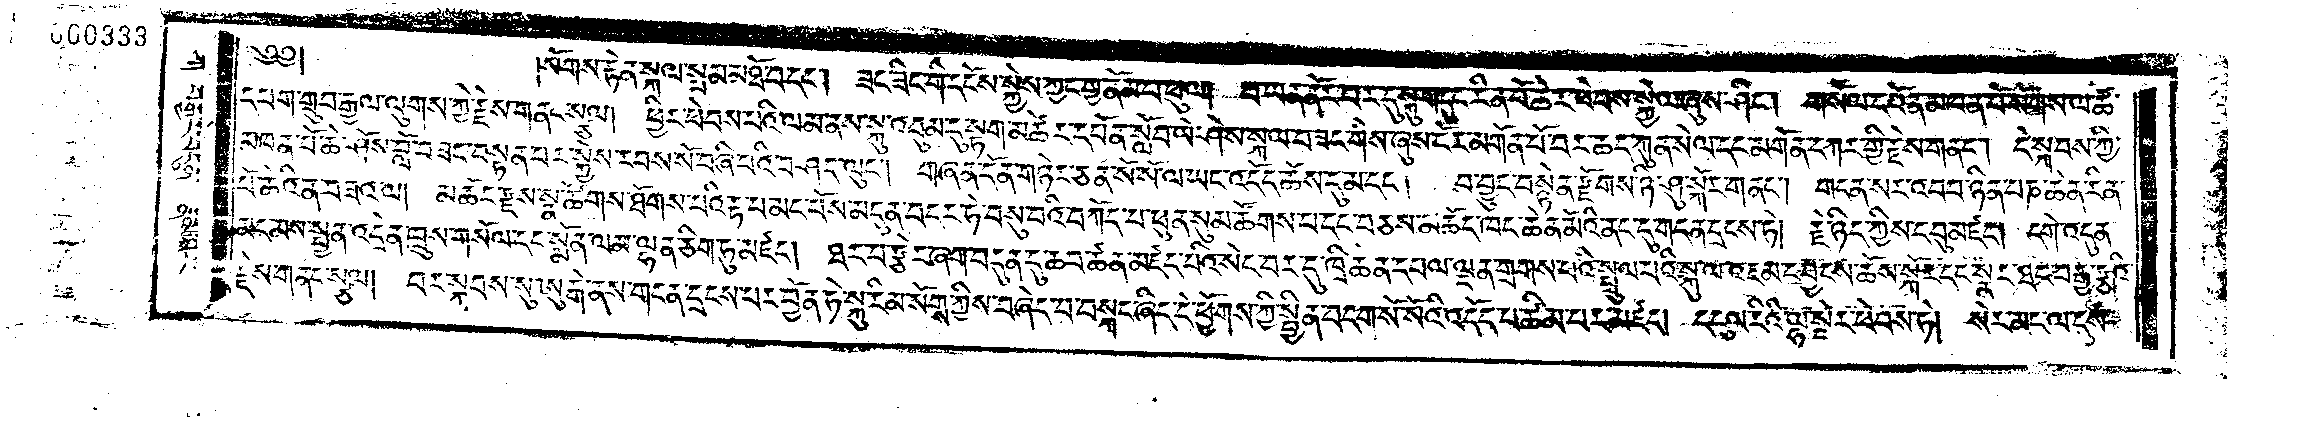༄༅། །སོགས་རྟེན་སྐལ་སྤམ་མཐོ་བ་དང་། ཟང་ཟིང་གི་དངོས་སྐྱེས་ཀྱང་གྱ་ནོམ་པ་ཕུལ། བ་ཡན་ནོར་བར་དུ་སྐུ་གདུང་རིན་པོ་ཆེར་ཕེབས་སྐྱེལ་ཞུས་ཤིང་། གསོལ་དཔོན་མཁན་པོ་སོགས་ལ་ཚེ་
དཔག་གྲུབ་རྒྱལ་ལུགས་ཀྱེ་རྗེས་གནང་སྩལ། ཕྱིར་ཕེབས་པའི་ལམ་ནས་སྐུ་འབུམ་དུ་སྟག་མཚེར་དཔོན་སློབ་ཡེ་ཤེས་སྐལ་བཟང་གིས་ཞུས་ངོར་མགོན་པོ་བར་ཆད་ཀུན་སེལ་དང་མགོན་དཀར་གྱི་རྗེས་གནང་། དེ་སྐབས་ཀྱི་
མཁན་པོ་ཆེ་ཤོས་བློ་བཟང་བསྟན་པར་སྐྱེས་རབས་སོ་བཞི་པའི་བཤད་ལུང་། གཞན་དོན་གཉེར་ཅན་སོ་སོ་ལ་ཡང་འདོད་ཆོས་དུ་མ་དང་། རབ་བྱུང་བསྙེན་རྫོགས་ཉི་ཤུ་སྐོར་གནང་། གདན་སར་འབབ་ཉིན་པཎ་ཆེན་རིན་
པོ་ཆེའི་ན་བཟའ་ལ། མཆོད་རྫས་སྣ་ཚོགས་ཐོགས་པའི་རྟ་པ་མང་པོས་མདུན་བདར་ཏེ་བསུ་བའི་བཀོད་པ་ཕུན་སུམ་ཚོགས་པ་དང་བཅས་མཆོད་ཁང་ཆེན་མོའི་ནང་དུ་གདན་དྲངས་ཏེ། རྗེ་ཉིད་ཀྱིས་དབུ་མཛད། དགེ་འདུན་
མང་མས་སྤྱན་འདྲེན་ཁྲུས་གསོལ་དང་སྨོན་ལམ་ལྷན་ཅིག་ཏུ་མཛད། ཐར་པ་རྩེར་ཞག་བདུན་དུ་ཆབ་ཚན་མཛད་པའི་སེང་བར་དུ་ཁྲི་ཆེན་དཔལ་ལྡན་གྲགས་པའི་སྤྲུལ་པའི་སྐུ་ལ་འཇམ་དབྱངས་ཆོས་སྐོར་དང་སྣར་ཐང་བརྒྱ་རྩའི་
རྗེས་གནང་སྩལ། བར་སྐབས་སུ་ཨུརྒེ་ནས་གདན་དྲངས་པར་བྱོན་ཏེ་སྐུ་རིམ་སོགས་ཀྱིས་བཞེད་པ་བསྐང་ཞིང་ངེ་ཕྱོགས་ཀྱི་སྦྱིན་བདག་སོ་སོའི་འདོད་པ་ཚིམ་པར་མཛད། དངུལ་རིའི་ལྷ་སྡེར་ཕེབས་ཏེ། སེར་མང་ལ་དུས་